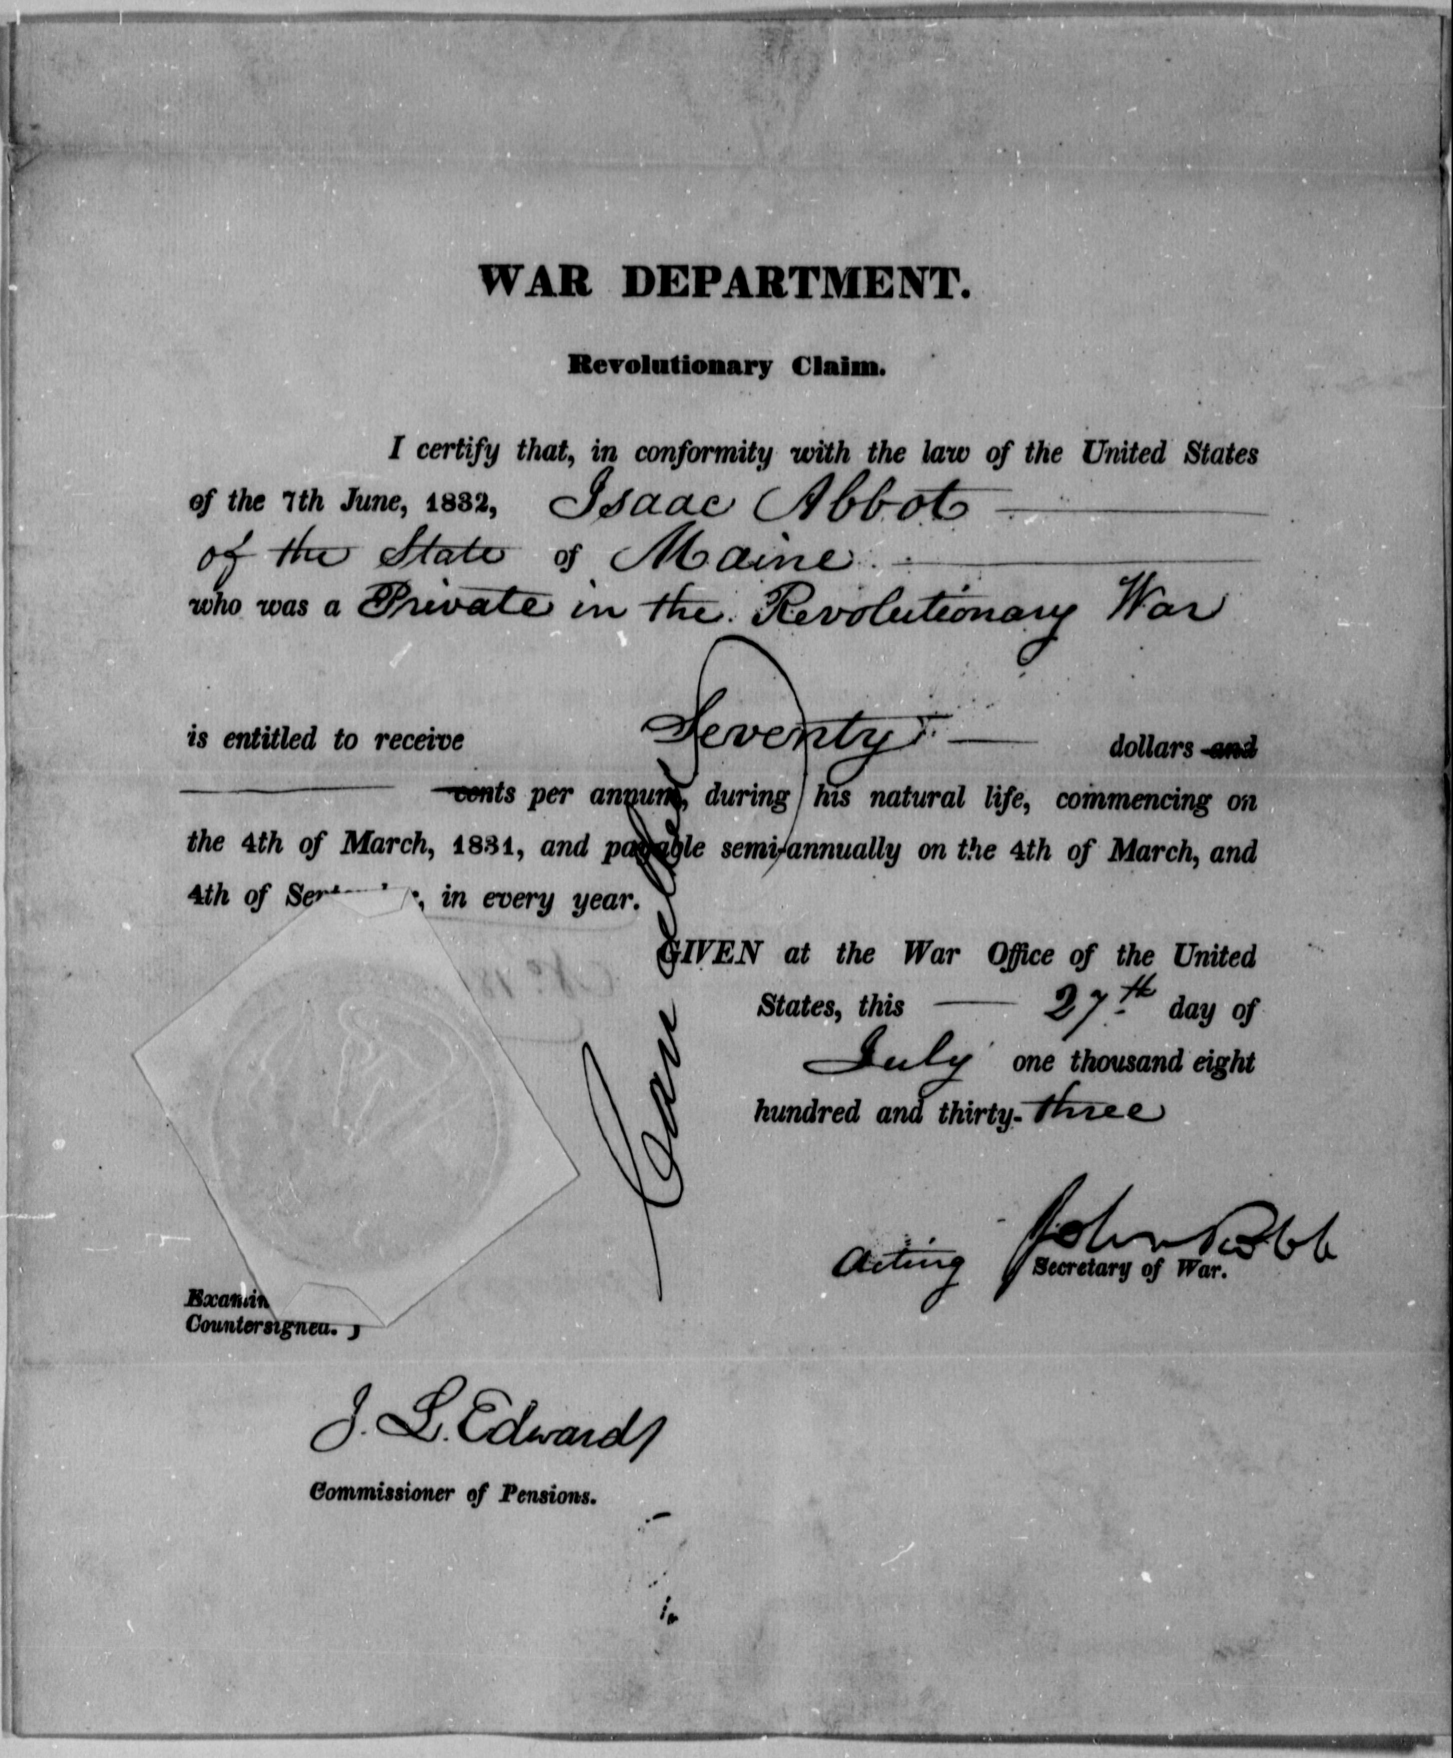WAR DEPARTMENT.

Revolutionary Claim.

I certify that, in conformity with the law of the United States of the 7th June, 1832, Isaac Abbot of the State of Maine, who was a Private in the Revolutionary War, is entitled to receive Seventy dollars per annum, during his natural life, commencing on the 4th of March, 1831, and payable semi-annually on the 4th of March, and 4th of September, in every year.
GIVEN at the War Office of the United States, this 27th day of July one thousand eight hundred and thirty-three.

[SIGNED: John Robb] Acting Secretary of War.

Examining Countersigned}

[SIGNED: J. L. Edwards]
Commissioner of Pensions.

[WITTEN UP MIDDLE]
Can collect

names: J L Edwards, Isaac Abbot, John Robb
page: 29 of 86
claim: survivor's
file: S 29,568, Isaac Abbot, Mass